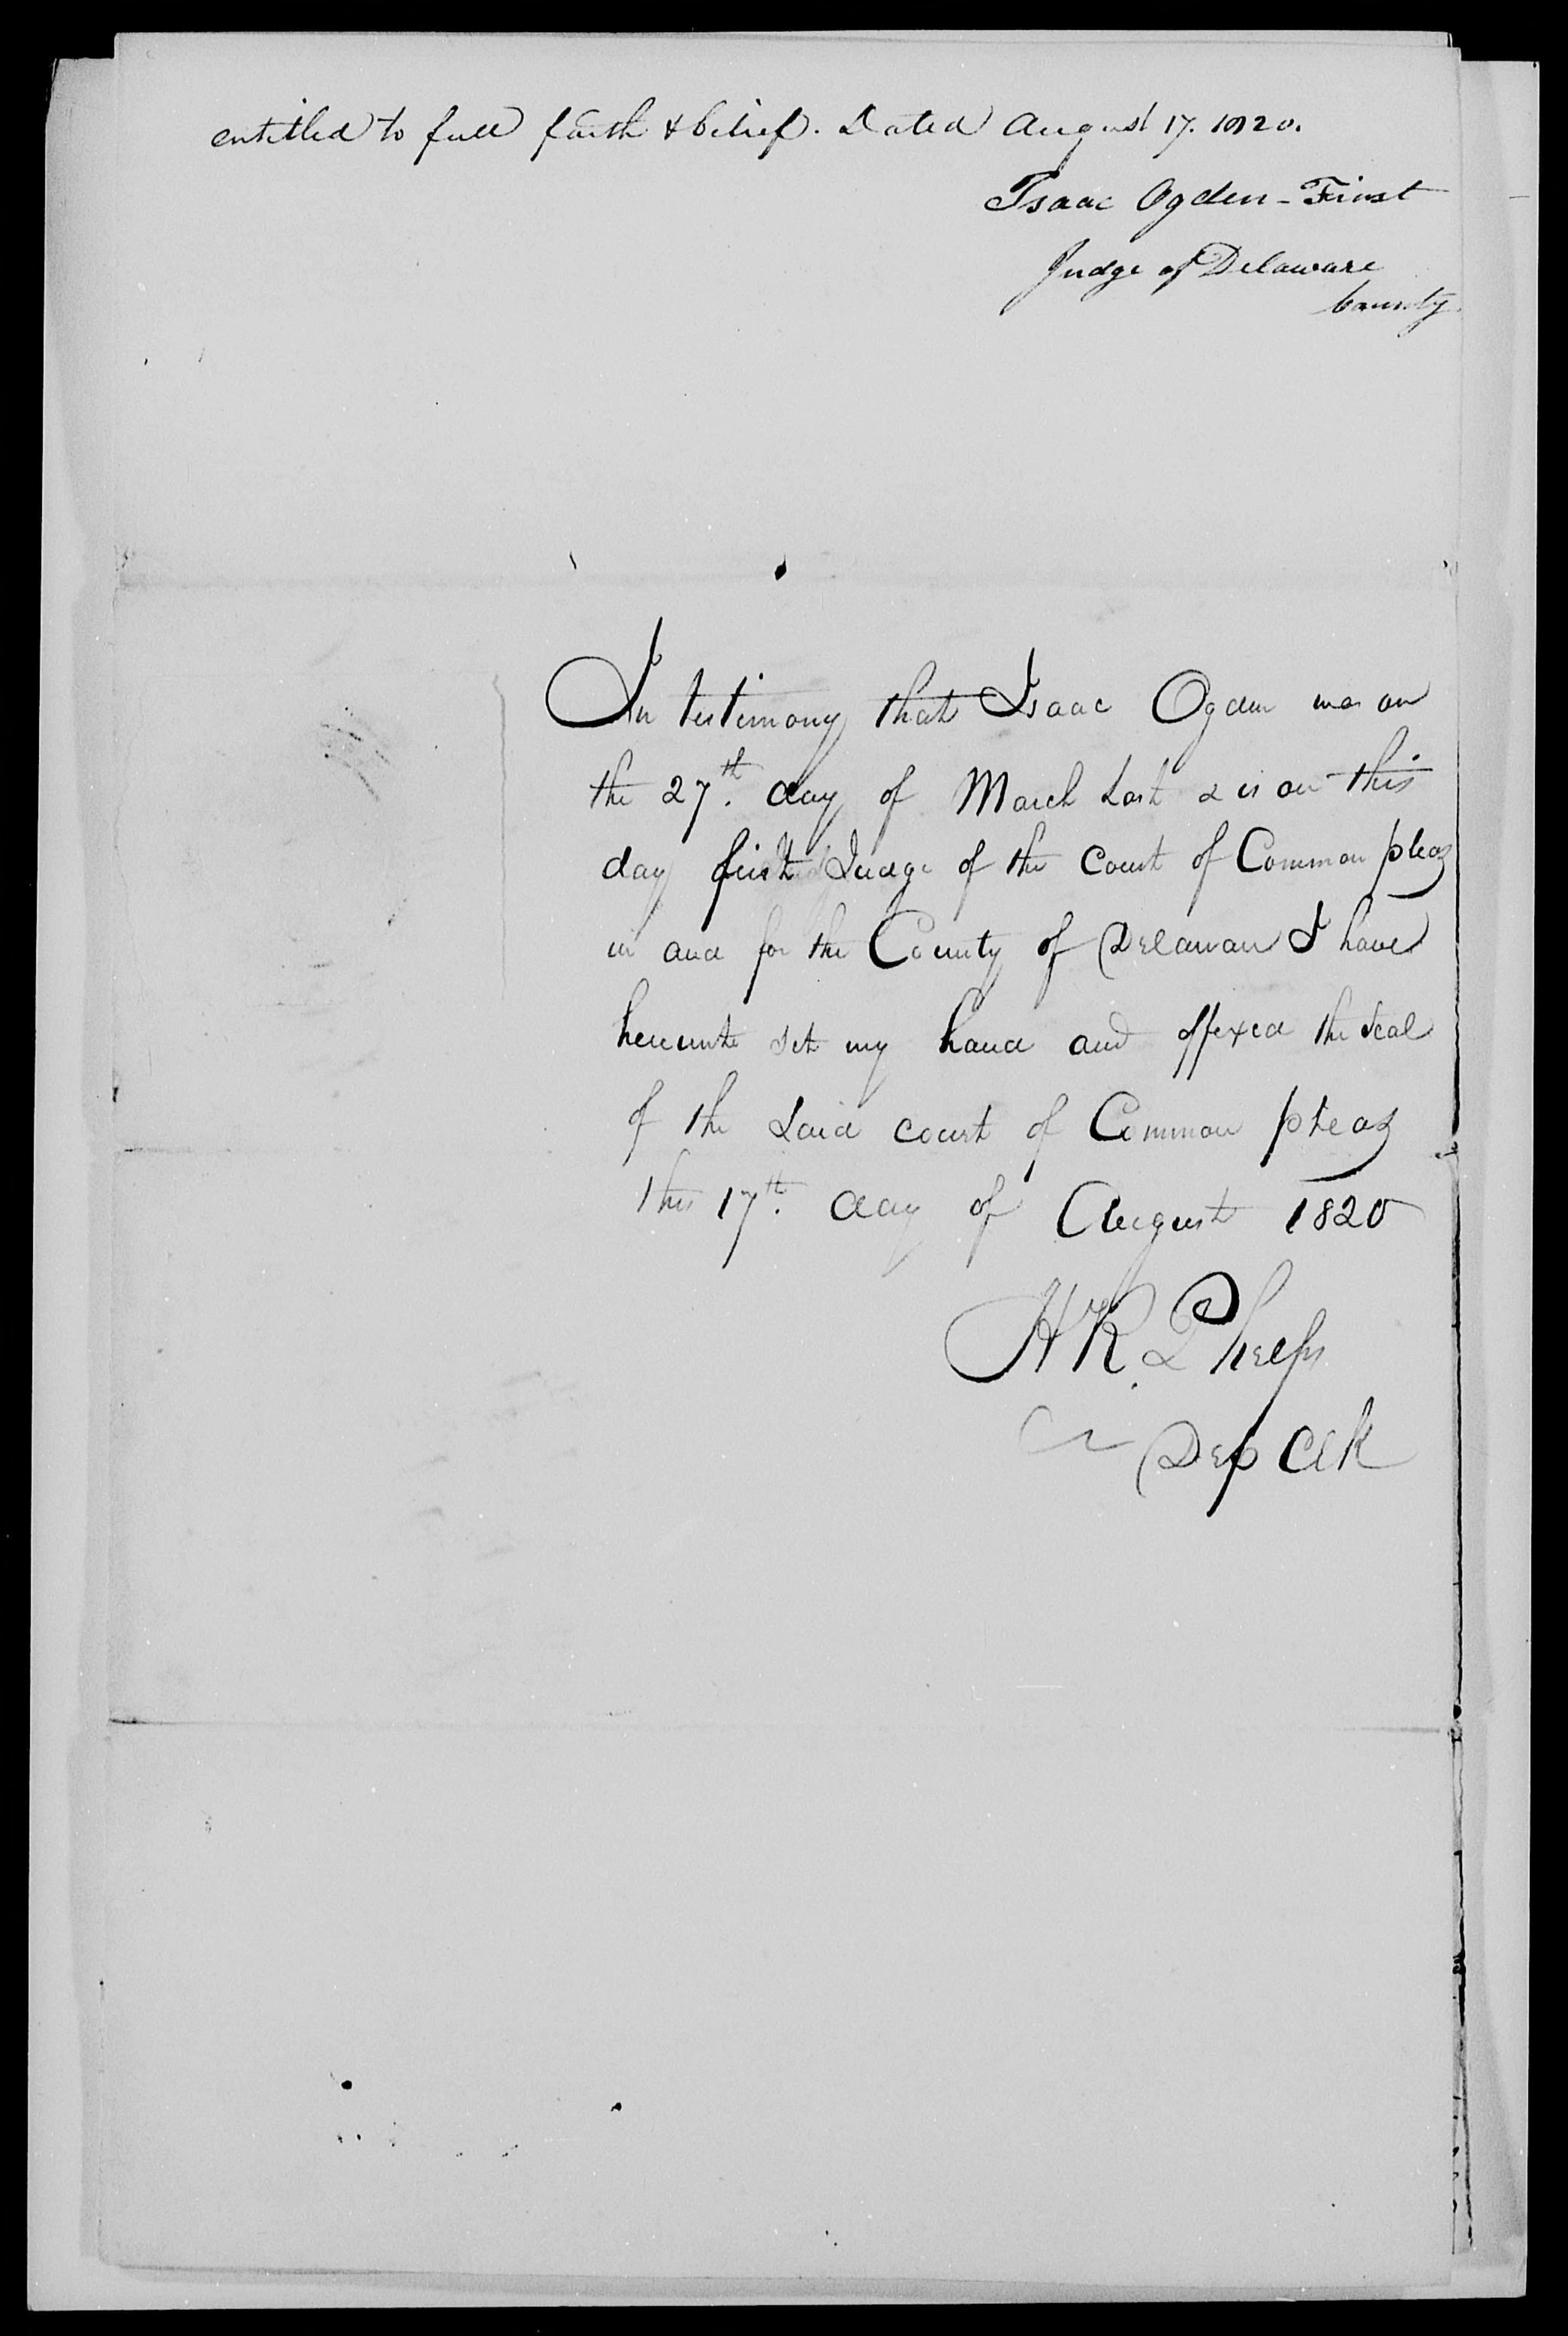entitled to full faith & belief. Dated August 17. 1820 
Isaac Ogden First Judge of Delaware County 
In testimony that Isaac Ogden was on the 27th day of March Last & is on this day firsted Judge of in Court of Common pleas in and for the County of Delaware I have hereunto set my hand and affixed the seal of the said Court of Common pleas this 17th day of August 1820 
H R Phelps Dep Clk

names: H R Phelps; Isaac Ogden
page: 37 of 43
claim: rejected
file: R. 5655, for Samuel Johnson, Connecticut